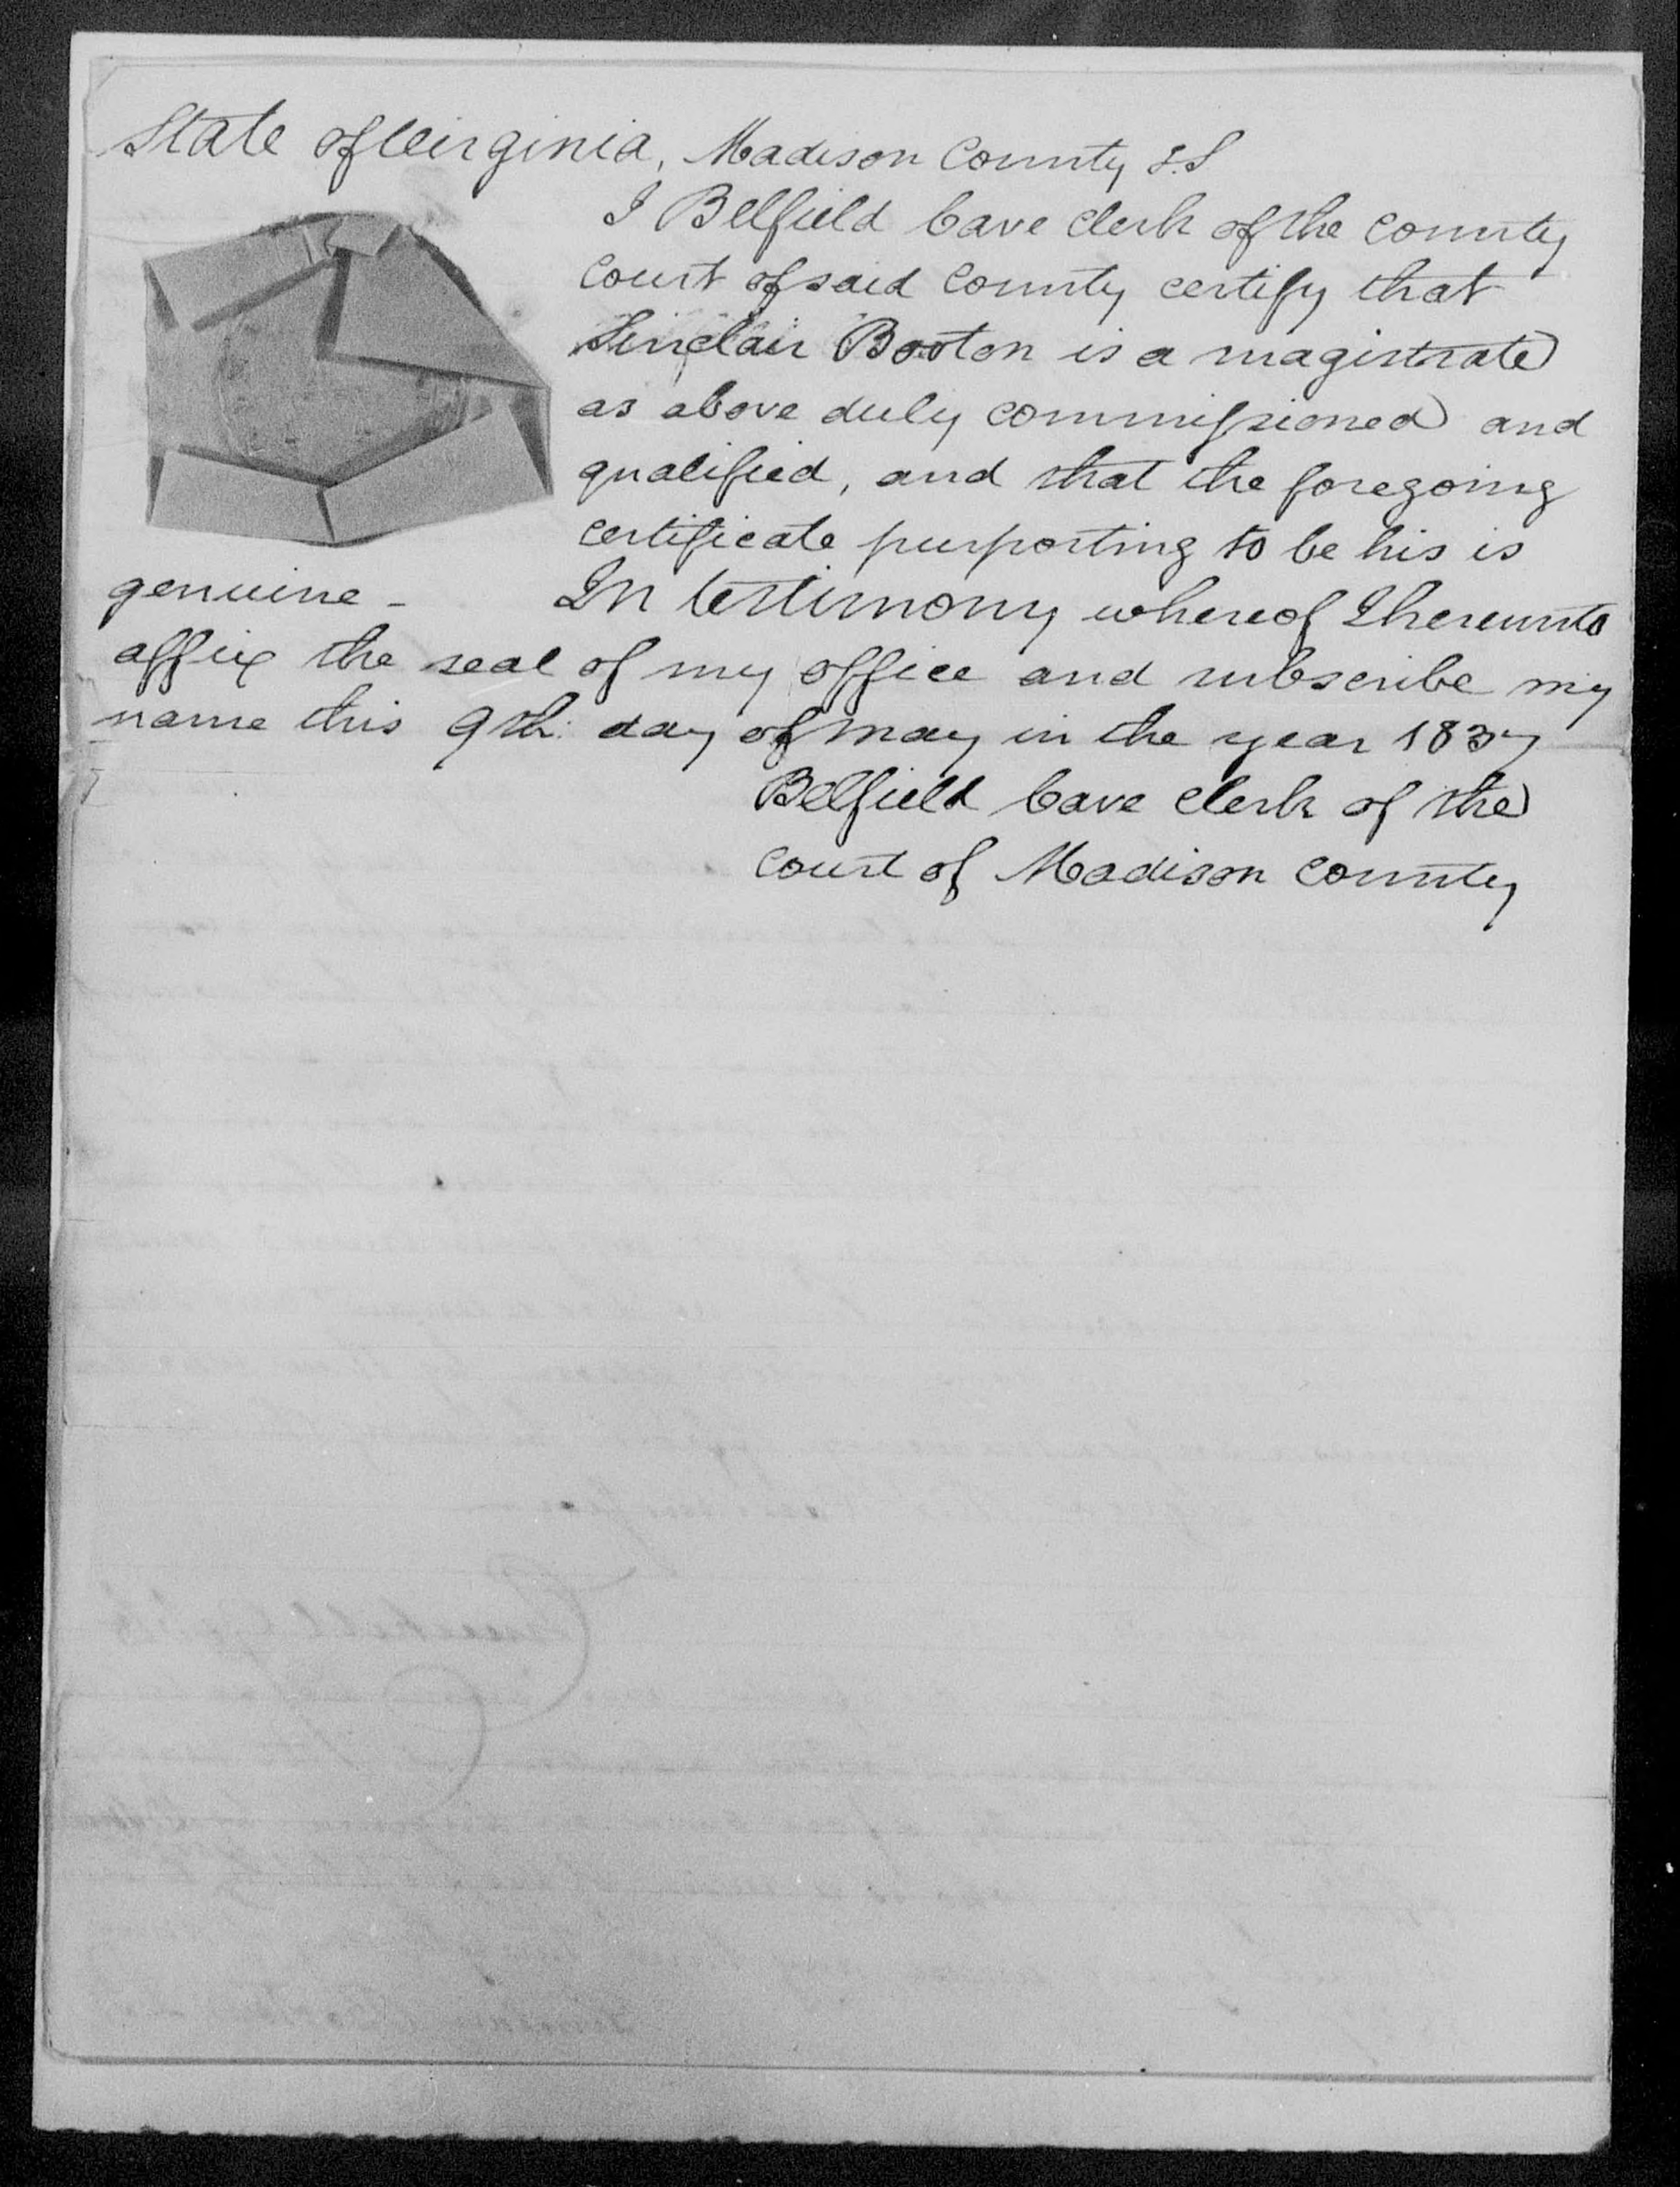State of Virginia, Madison County S.S
[SEAL]
I Belfield Cave Clerk of the County Court of said County certify that Sinclair Booton is a magistrate as above duly commissioned and qualified, and that the foregoing certificate purporting to be his is genuine.
In testimony whereof I hereunto affix the seal of my office and subscribe my name this 9th day of May in the year 1837.
Belfield Cave
Clerk of the Court of Madison County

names: Sinclair Booton, Belfield Cave, Belfield Cave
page: 197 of 267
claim: widow's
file: W. 4,149, William Campbell, Va.